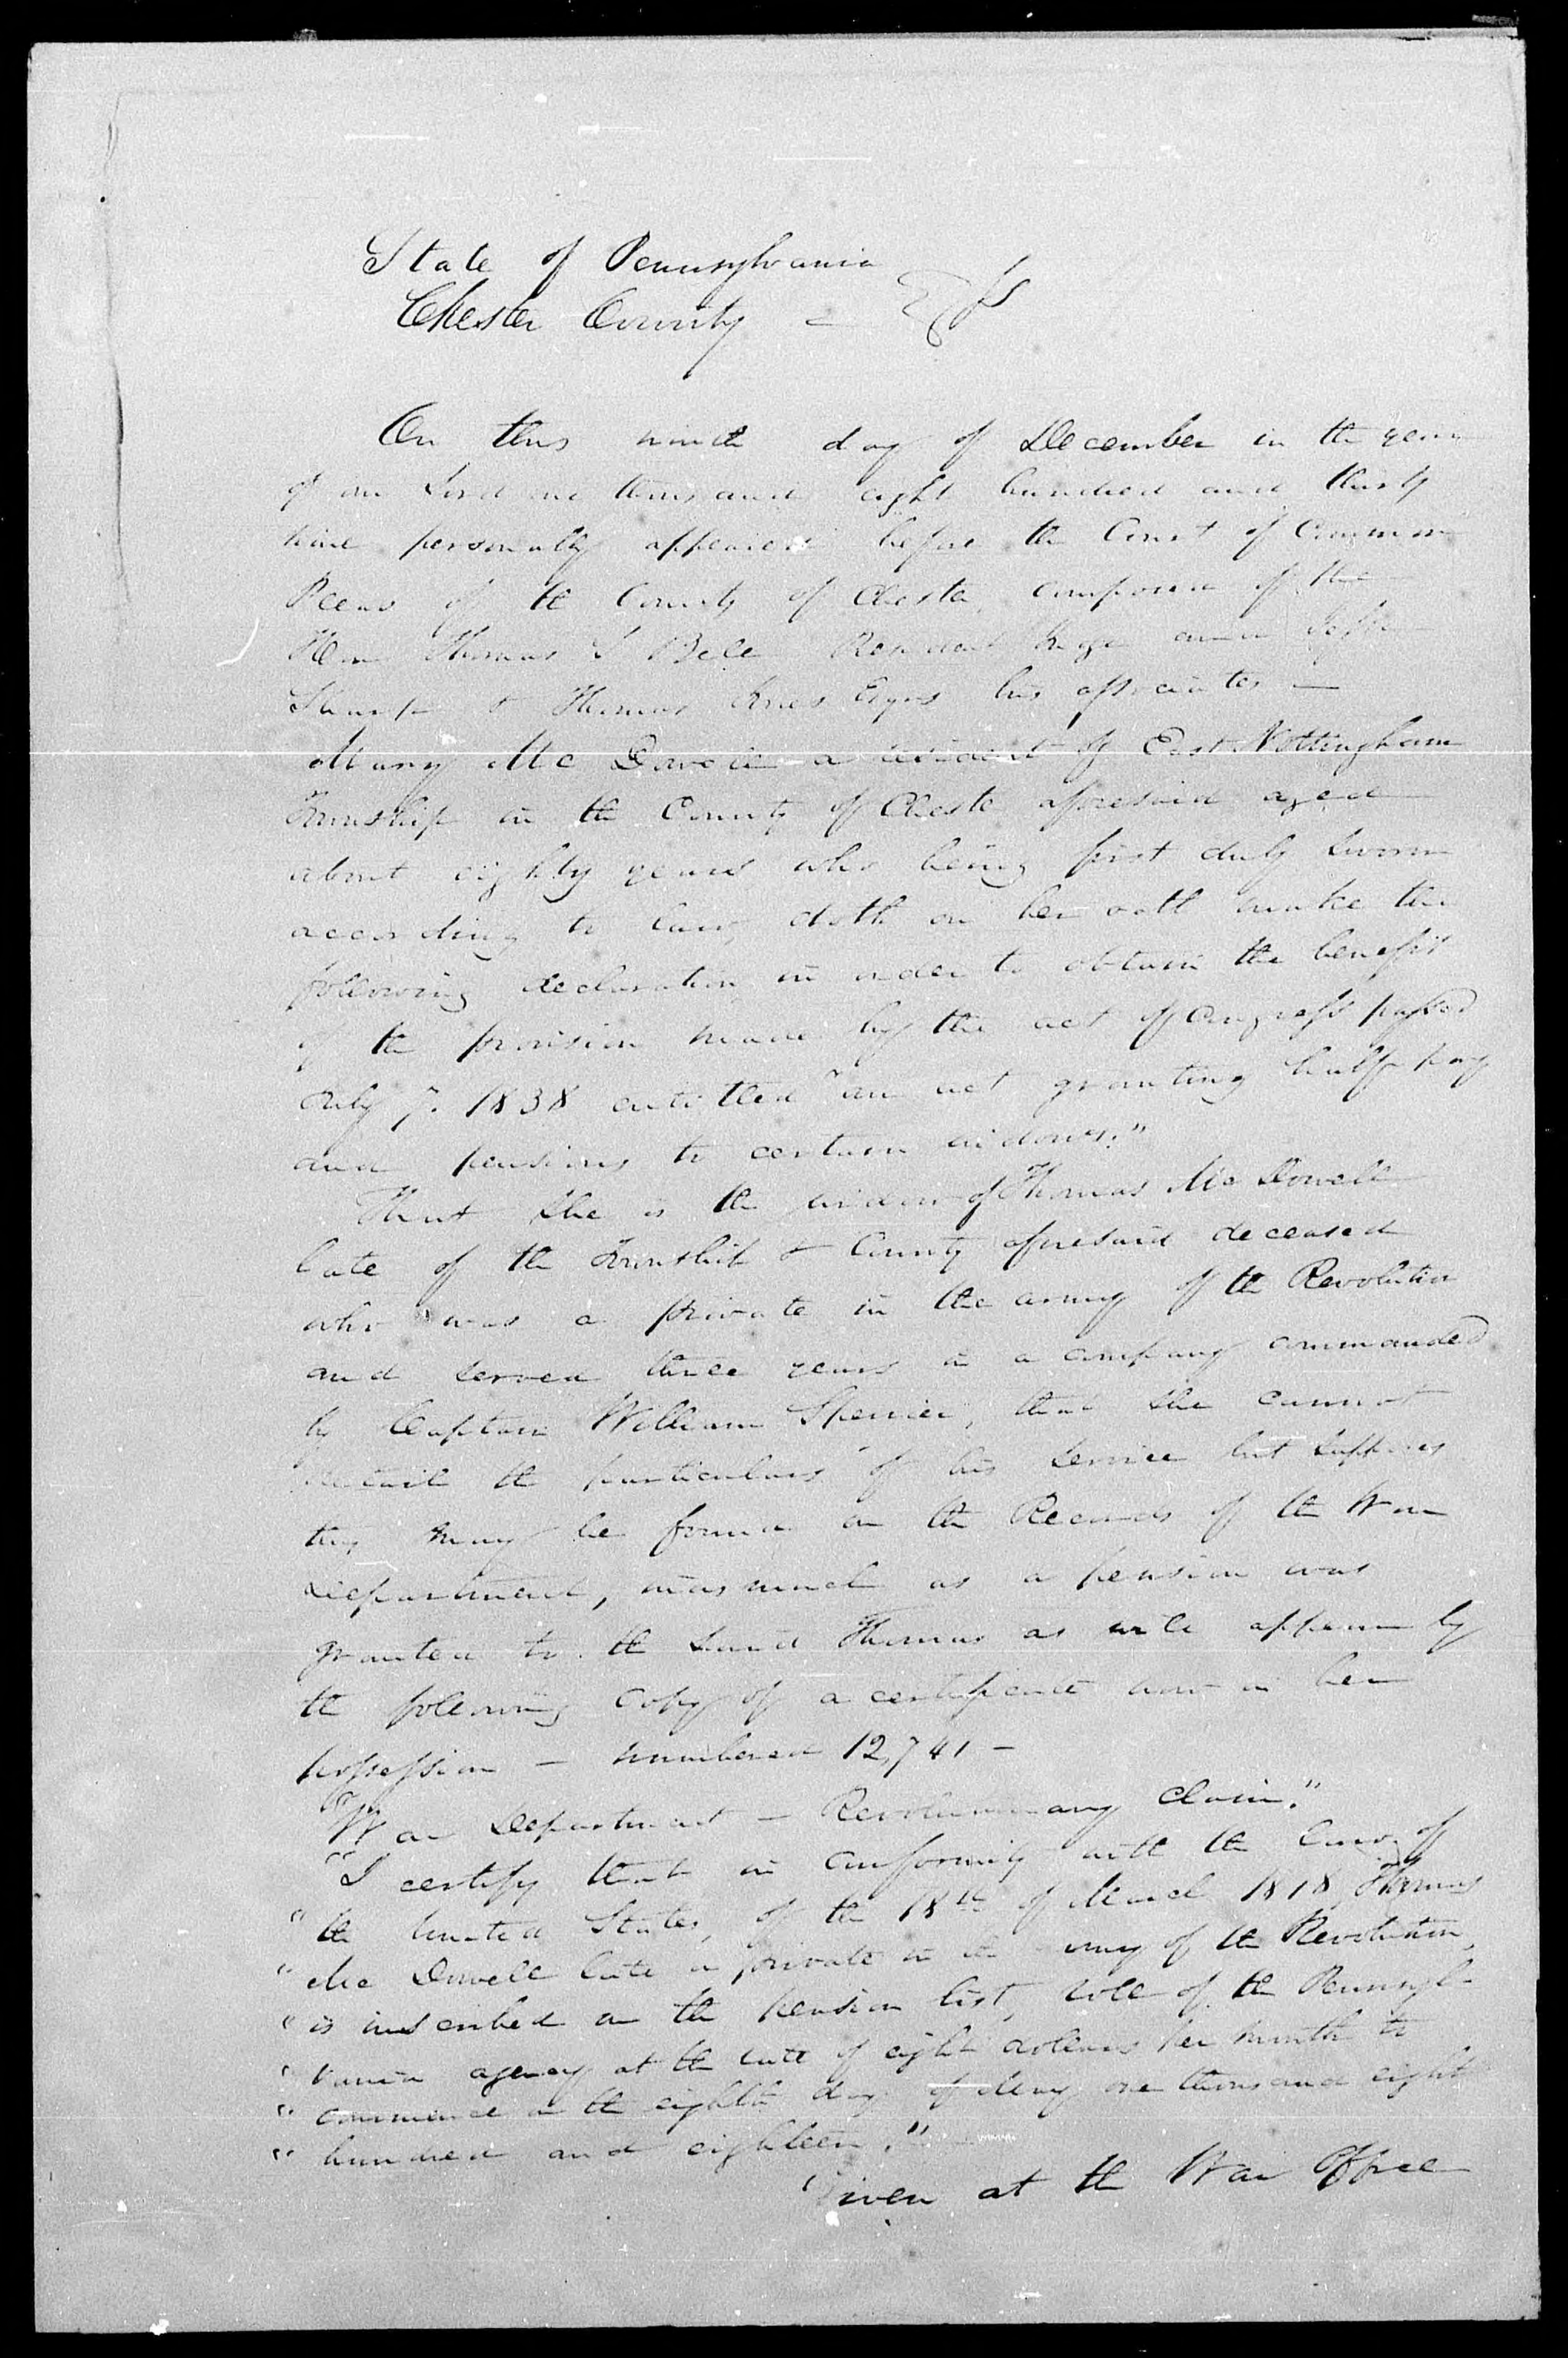State of Pennsylvania
Chester County

On this ninth day of December in the year of our Lord one thousand eight hundred and thirty-nine personally appeared before the court of Common Pleas of the county of Chester comprised of the Hon. Thomas S Bell resident judge and Jess Shurt and Thomas James Esqs. his associates - Mary McDowell a resident of East Nottingham Township in the County of Chester aforesaid aged about eighty years who being first duly sworn according to law doth on her oath make the following declaration in order to obtain the benefit of the provision made by the act of Congress passed July 8, 1838 entitled "An act granting half pay and pensions to certain widows".

That she is the widow of Thomas McDowell late of the township - county aforesaid deceased who was a private in the army of the Revolution and served three tours in a company commanded by Captain William Spencer that she cannot detail the particulars of his service but supposes they may be found in the records of the War Department in as much as a pension was granted to the said Thomas as will appear by the following copy of a certificate now in her possession - numbered 12741 - War Department - Revolutionary Claim

I certify that in confirming with the laws of the United States of the 18th of March 1818 Thomas McDowell late a private in the army of the revolution is inscribed on the pension list roll of the Pennsylvania agency at the rate of eight dollars per month to commence on the eighth day of May one thousand eight hundred and eighteen.

Given at the war office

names: Thomas Jones; Thomas Mc Dowell; Jesse Shurt; Redmont [BLANK]; Mary Mc Dowell; Thomas S Bell; William Spencer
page: 5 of 63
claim: widow's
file: W 2957, for Thomas Mc Dowell, Maryland